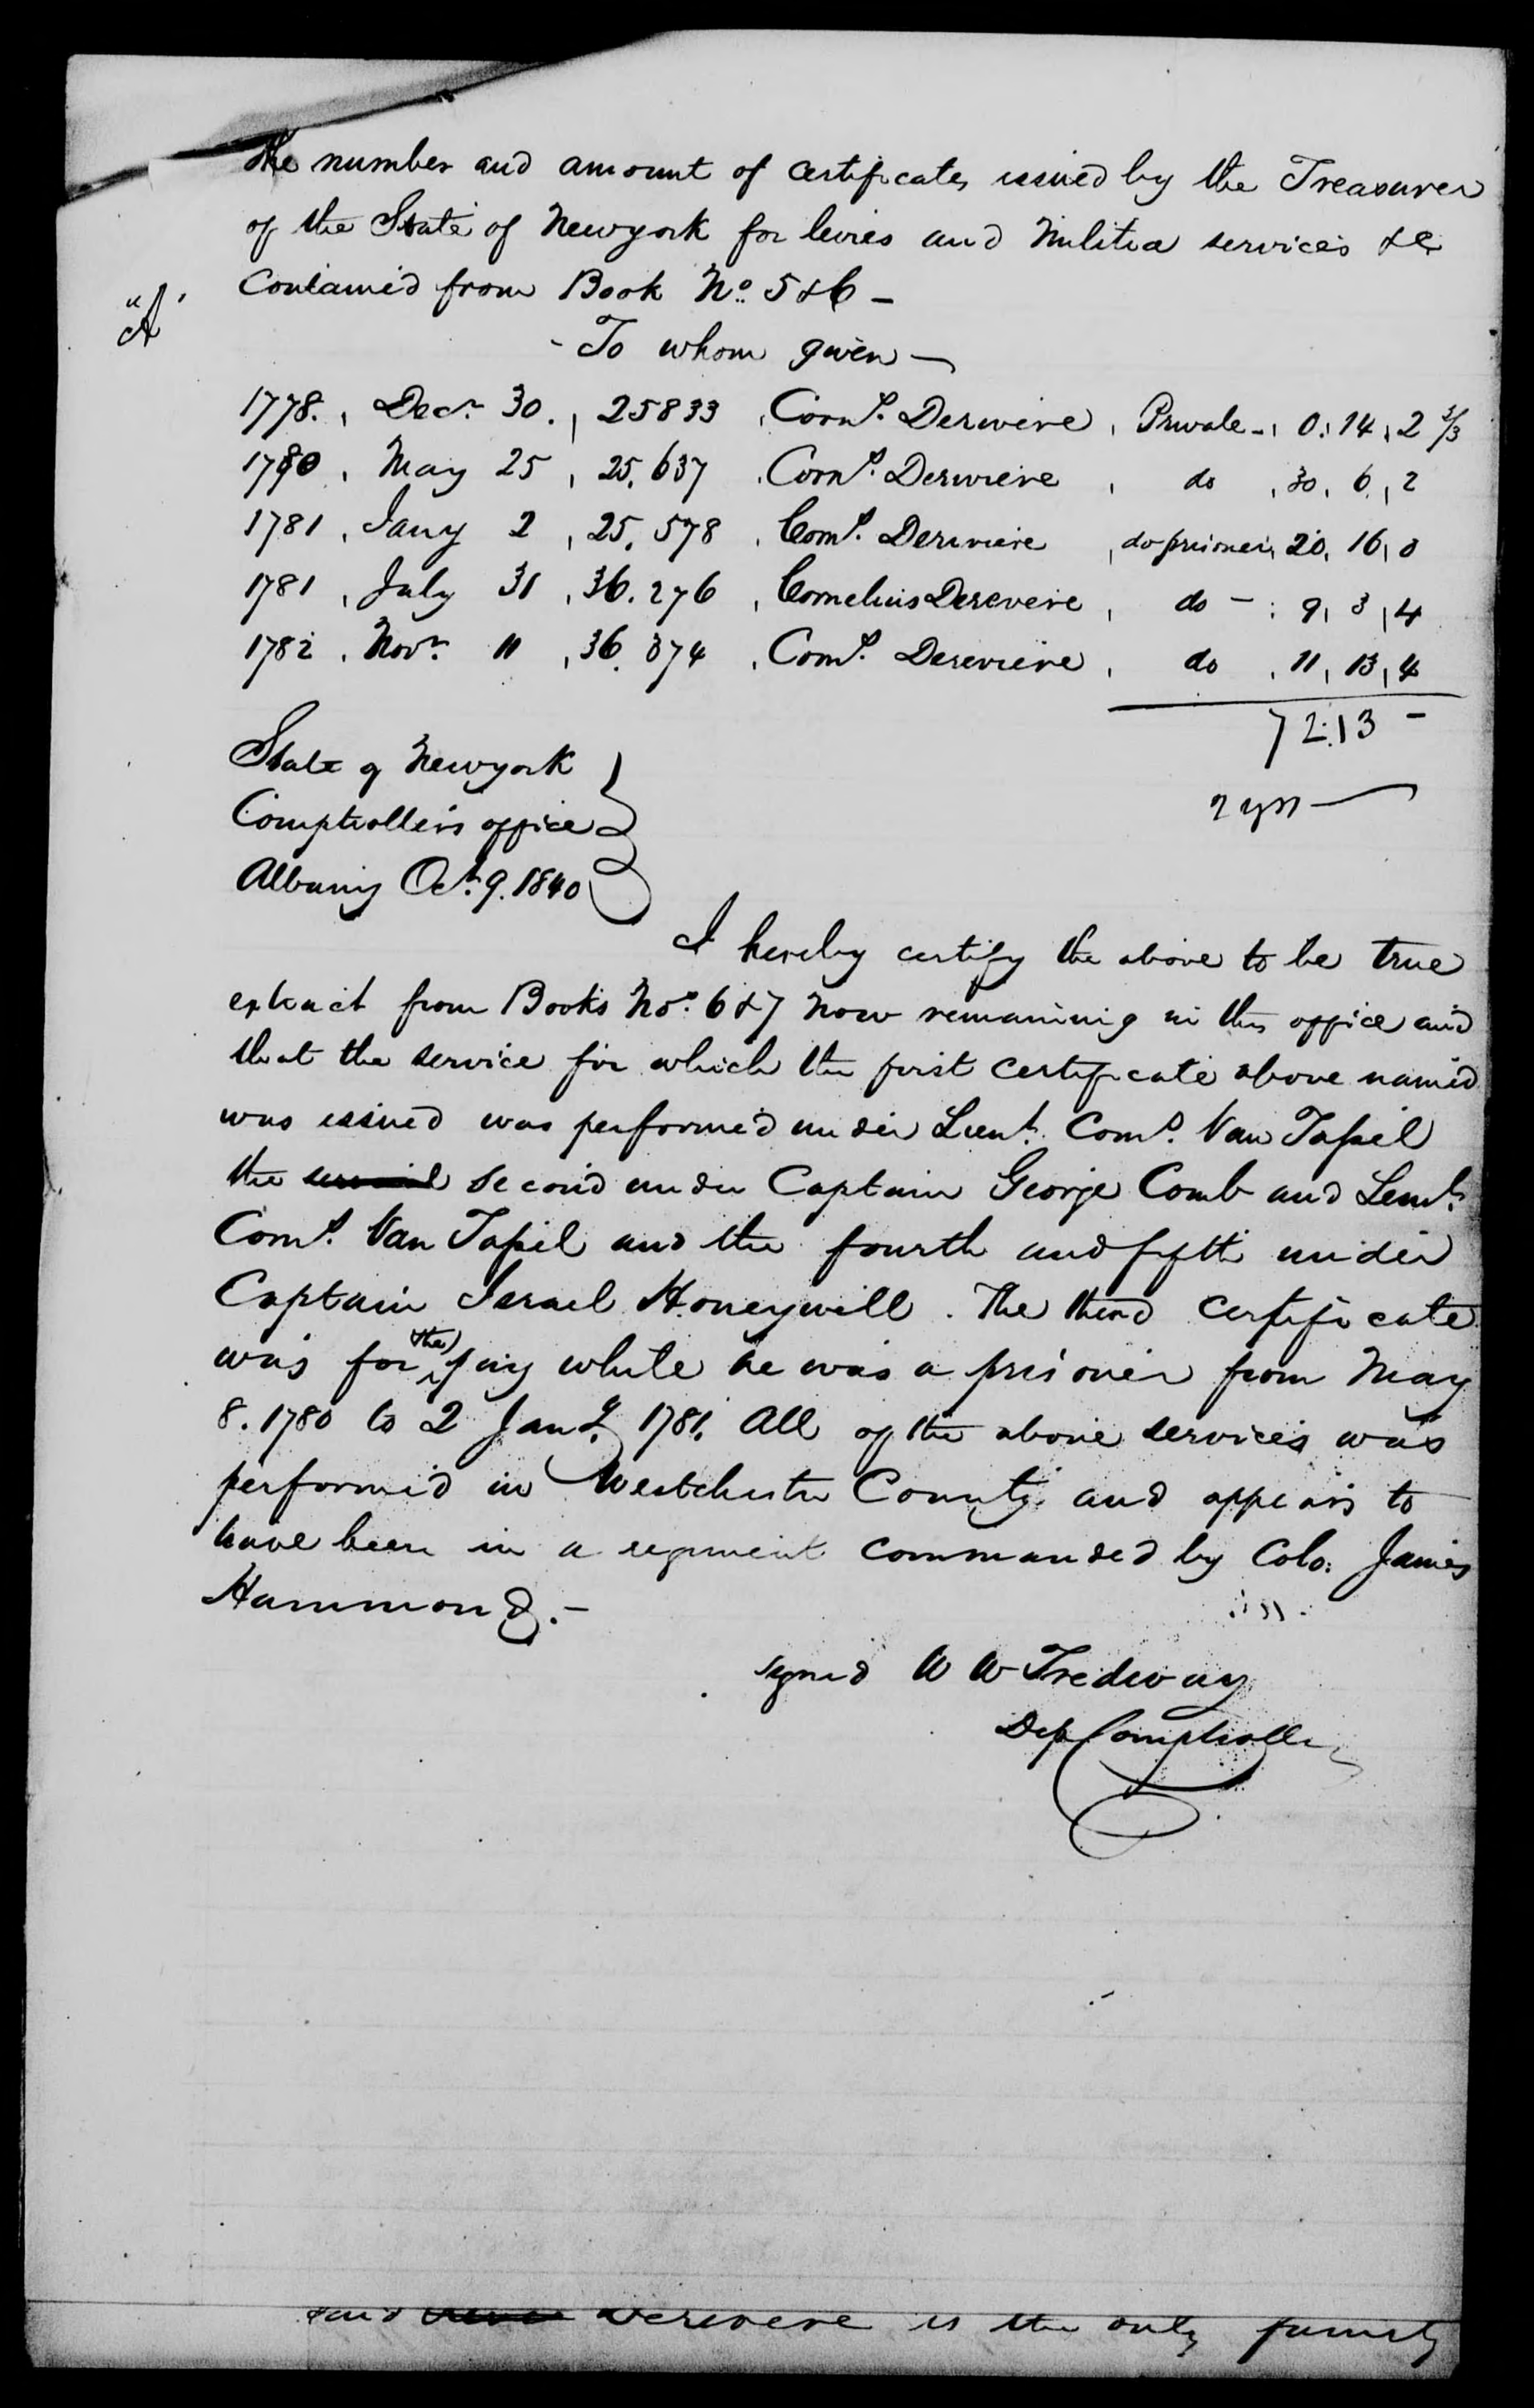The number and amount of certificate issued by the Treasurer of the State of New York for levies and militia services &c

Contained from Book No 5 & 6 -
"A" -To whom given
1778, Dec 30, 25833 Cornl DeRevere, Private, 0.14.2 2/3
1780, May 25, 25.637 Cornl DeRevere, do, 30.6.2
1781, Jany 2, 25.578, Cornl DeRevere, do  prisoner, 20.16.0
1781, July 31, 36.276, Cornelius DeRevered, do, 9.3.4
1782, Nov 11, 36.374, Cornl DeRevere, do, 11.13.4

[Total] 72.13.0
7 years----

State of New York
Comptroller's office
Albany Oct 9. 1840}

I hereby certify the above to be true extract from Book No. 6 & 7 now remaining in this office and that the service for which the first certificate above named was issued was performed under Lieut. Corns. Van Tassel the
second under Captain George Comb and Lieut
Corns. Van Tassel and the fourth and fifth under Captain Israel Honeywell. The third certificate was for the pay a while he was a prisoner from May 8, 1780 to 2 Jany, 1781. All of the above services was performed in Westchester County and appears to have been in a regiment commanded by Colo. James Hammond -

Signed W W Tredway
Dep Comptroller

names: W W Tredway, James Hammond, Corns Van Tassel, Corns Dereviere, Corns Van Tassel, Corns Derevere, Cornelius Derevere, Israel Honeywell, George Comb, Corns Dereviere, Corns Dereviere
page: 31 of 40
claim: widow's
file: W. 24057, Cornelius De Revere, New York